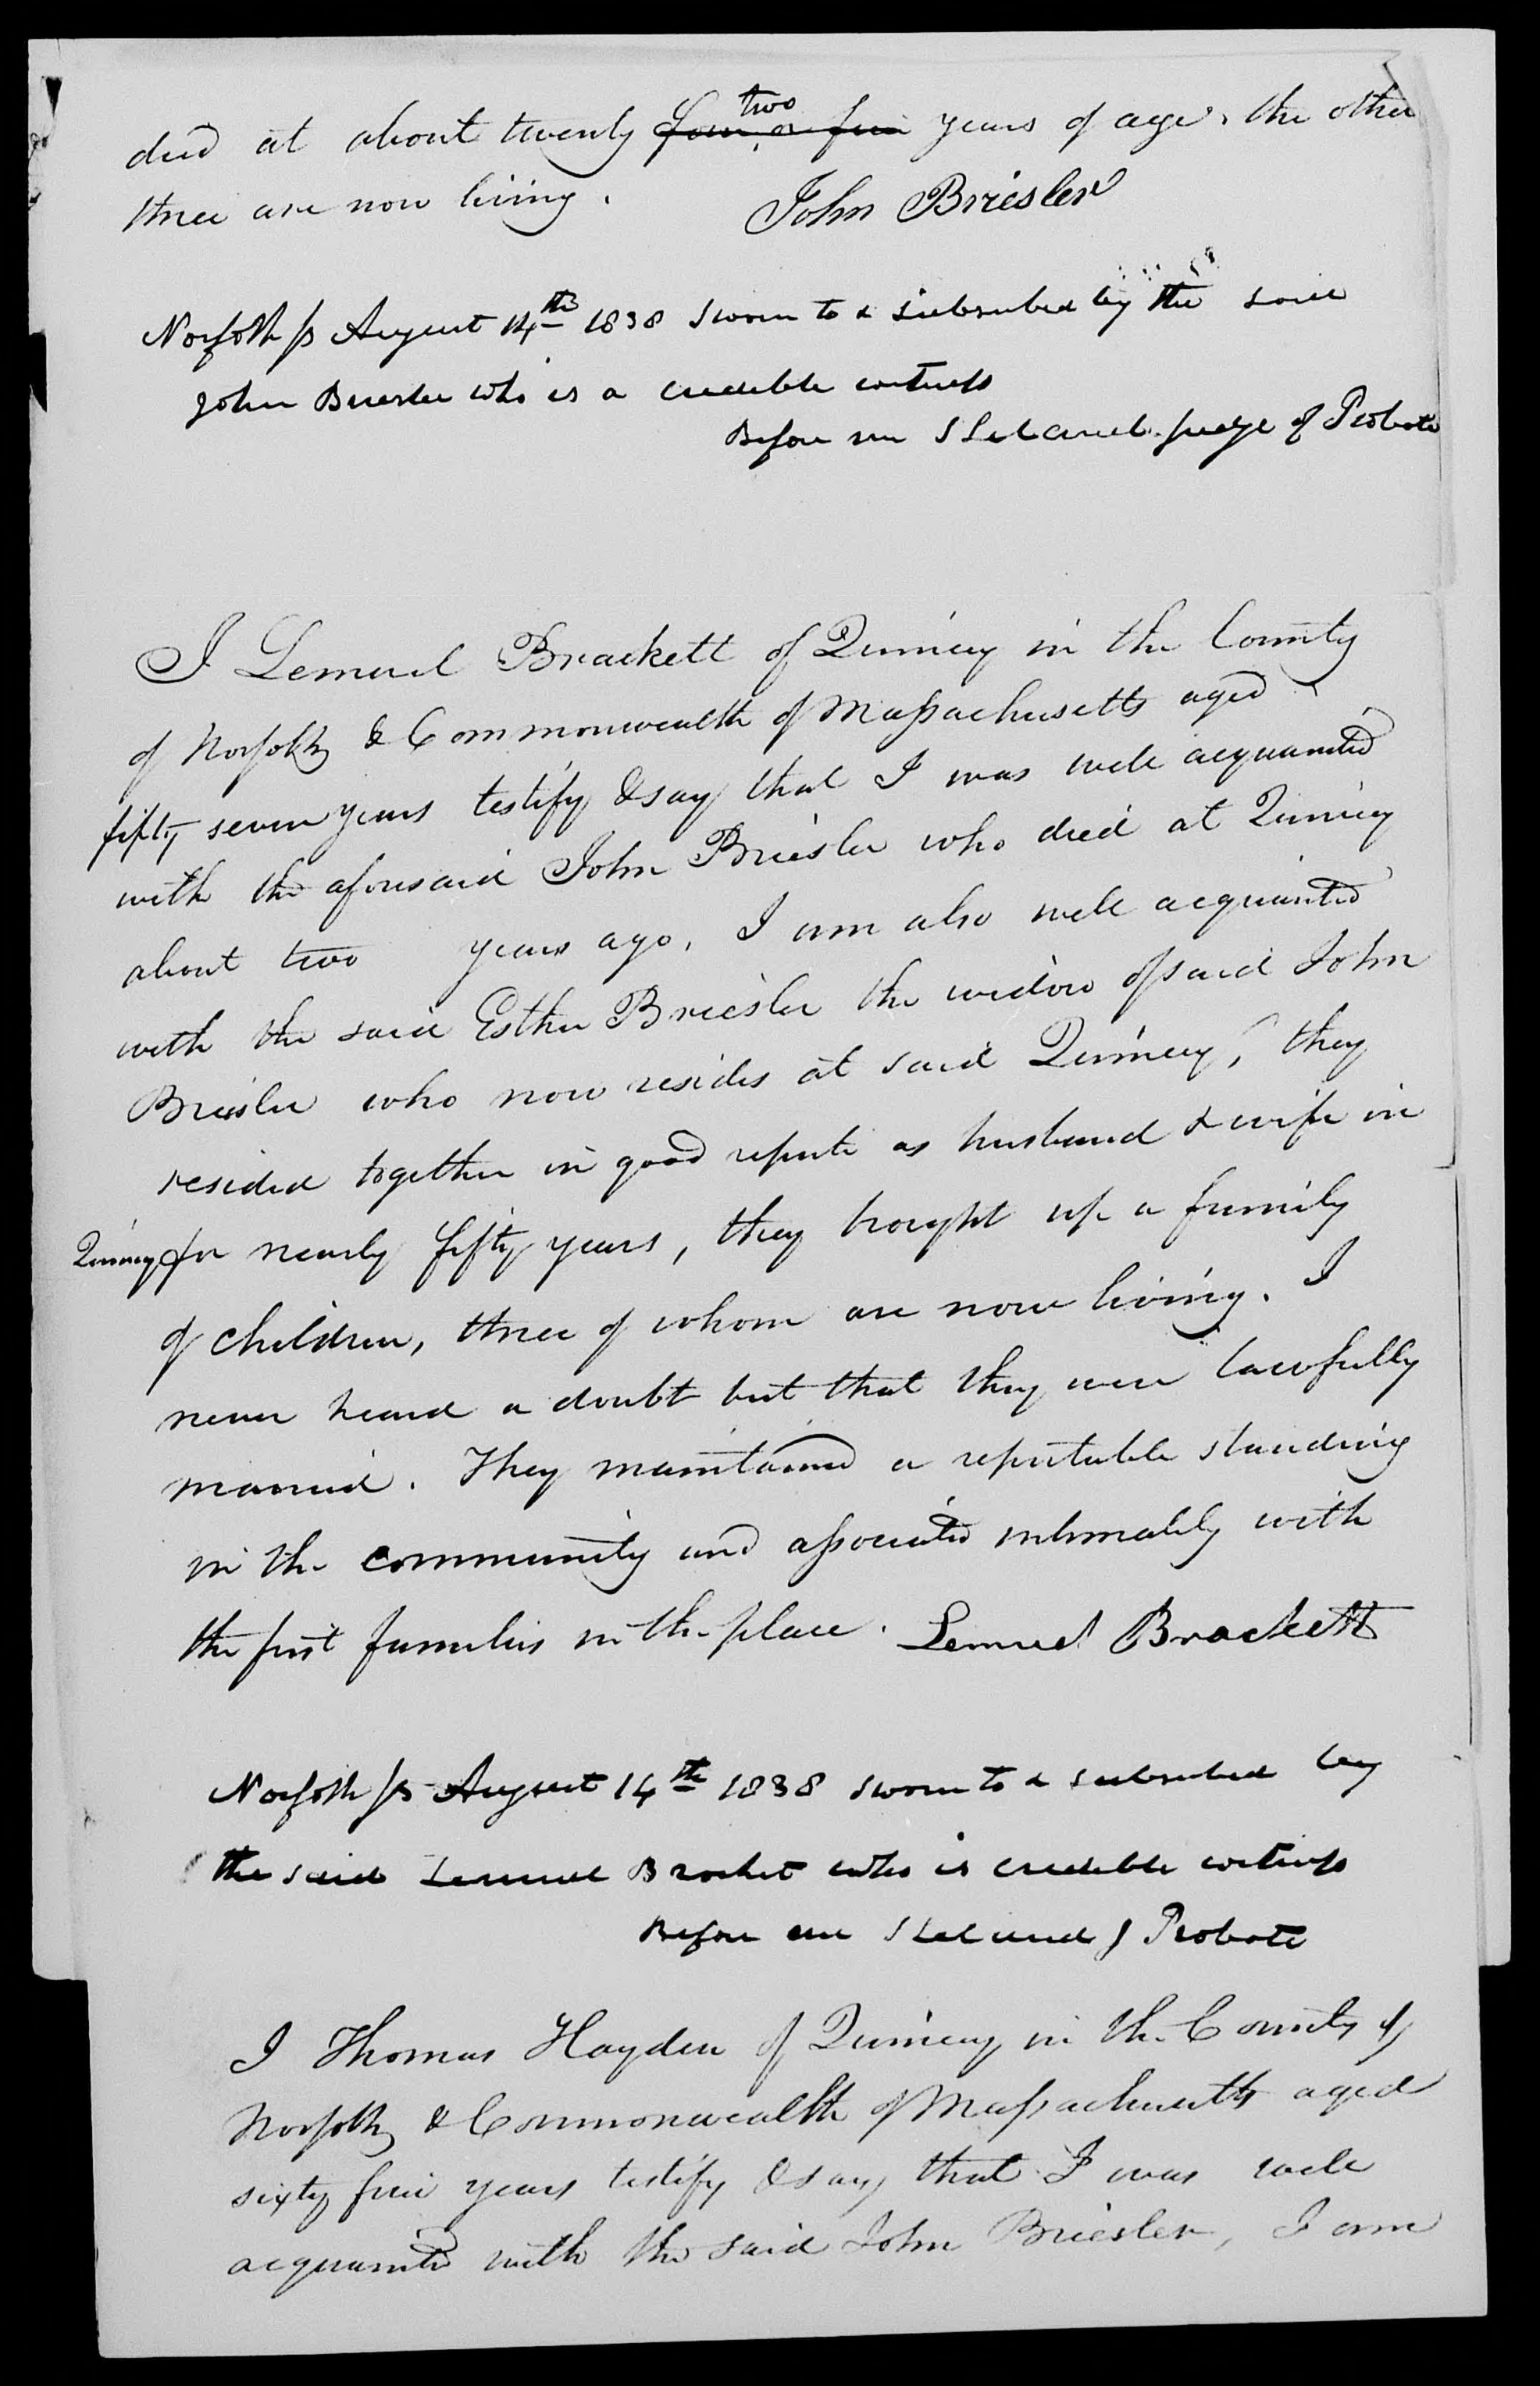died at about twenty two years of age, the three are now living. John Brisler 
Norfolk Cy August 14th 1838 sworn to & subscribed by the [illegible] John Brisler who is a credible witness. Before me L Leland Judge of Probate. 

I Lemuel Brackett of Quincey in the County of  Norfolk & Commonwealth of  Massachusetts aged fifty-seven years testify & say  that I was much acquainted with the aforesaid John Breisler who died at Quincey about two years ago. I am also much acquainted with the said Esther Briesler the widow of said John Briesler who now resides at said Quincey, they resided together in good repute as husband & wife in Quincey for nearly fifty years, they brough up a family of children three of whom are now living. I never heard a doubt but they were lawfully married. They maintained a reputable  standing in the community and associated intimately with the first families in the place. Lemual Brackett
Norfolk CY August 14th 1838 sworn to & subscribed by the said Lemuel Braket who is a credible witness before me L Leland J Probate

I Thomas Hayden of Quincey in the County of Norfolk & Commonwealth of Massachusetts aged  sixty five years testify & say that I was [illegible] acquainted with the said John Brielser, I am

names: Lemuel Brackett, S Leland, John Briesler, John Briesler, John Briesler, Lemuel Brochet, S Leland, John Briesler, John Briesler, Esther Briesler, Thomas Hayden, Lemuel Brackett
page: 8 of 46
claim: widow's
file: W. 23,673, John Brisler, Mass.